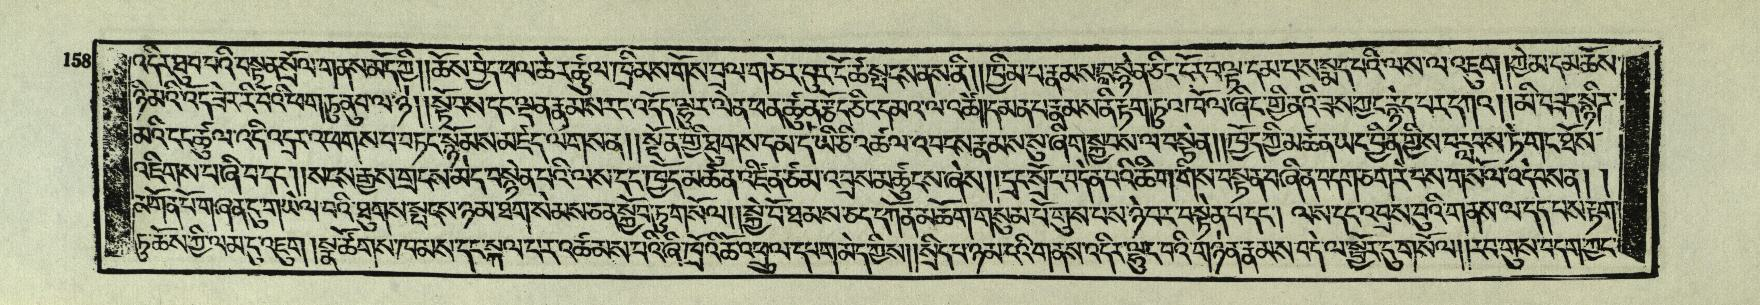འདིར་ཐུབ་པའི་བསྟན་སྲོལ་གནས་མོད་ཀྱི། །ཆོས་བྱེད་ཕལ་ཆེར་ཚུལ་ཁྲིམས་གོས་བྲལ་གཅེར་བུར་ངོ་ཚ་སྤངས་ནས་ནི། །ཁྱིམ་པ་རྣམས་ལ་བསྙེན་ཅིང་ངོར་བལྟ་དམ་པས་སྨད་པའི་ལས་ལ་འཇུག །ཀྱེ་མ་དམ་ཆོས་
ཉི་མའི་འོད་ཟེར་རི་བོའི་ཕག་ཏུ་ནུབ་ལ་ཉེ། །སྟོབས་དང་ལྡན་རྣམས་རང་འདོད་ལྷུར་ལེན་ཕན་ཚུན་རྩོད་ཅིང་དམའ་ལ་འཚེ། །དམན་པ་རྣམས་ནི་རྟག་ཏུ་འཁོལ་ཞིང་གྱི་ནའི་ཟས་ཀྱང་རྙེད་པར་དཀའ། །མི་བཟད་སྙིཌ་
མའི་ངང་ཚུལ་འདི་འདྲར་འཕགས་པ་བཏང་སྙོམས་མཛད་ལགས་ན། །སྔོན་གྱི་ཐུགས་དམ་དེ་ཡི་ཅི་འཚལ་འབངས་རྣམས་སུ་ཞིག་སྐྱབས་ལ་བསྟེན། །ཁྱོད་ཀྱི་མཚན་ཡང་བྱིན་གྱིས་བརླབས་ཏེ་གང་ཐོས་
འཇིགས་པ་ཞི་བ་དང་། །སངས་རྒྱས་གྲངས་མེད་བསྙེན་པའི་ལས་དང་ཁྱོད་མཚན་འཛིན་ཙམ་འབྲས་མཚུངས་ཞེས། །དྲང་སྲོང་བདེན་པའི་ཚིག་གིས་བསྟན་བཞིན་བདག་ཅག་རེ་བས་གསོལ་འདེབས་ན།།
མགོན་པོ་གཞན་དུ་གཡེལ་བའི་ཐུགས་སྤངས་ཉམ་ཐག་སེམས་ཅན་སྐྱོབ་ཏུ་གསོལ། །སྐྱེ་བོ་ཐམས་ཅད་དཀོན་མཆོག་གསུམ་པོ་གུས་པས་ཉེ་བར་བསྟེན་པ་དང་། ལས་དང་འབྲས་བུའི་གནས་ལ་དད་པས་རྟག་
ཏུ་ཆོས་ཀྱི་ལམ་དུ་འཇུག །སྣ་ཚོགས་ཁམས་དང་སྐལ་པར་འཚམས་པའི་ཞི་ཁྲོའི་ཆོ་འཕྲུལ་དཔག་མེད་ཀྱི། །སྲིད་པ་ཉམ་ངའི་གནས་འདིར་ལྷུང་བའི་གཉེན་རྣམས་བདེ་ལ་སྦྱོར་དུ་གསོལ། །རབ་གུས་བདག་ཀྱང་